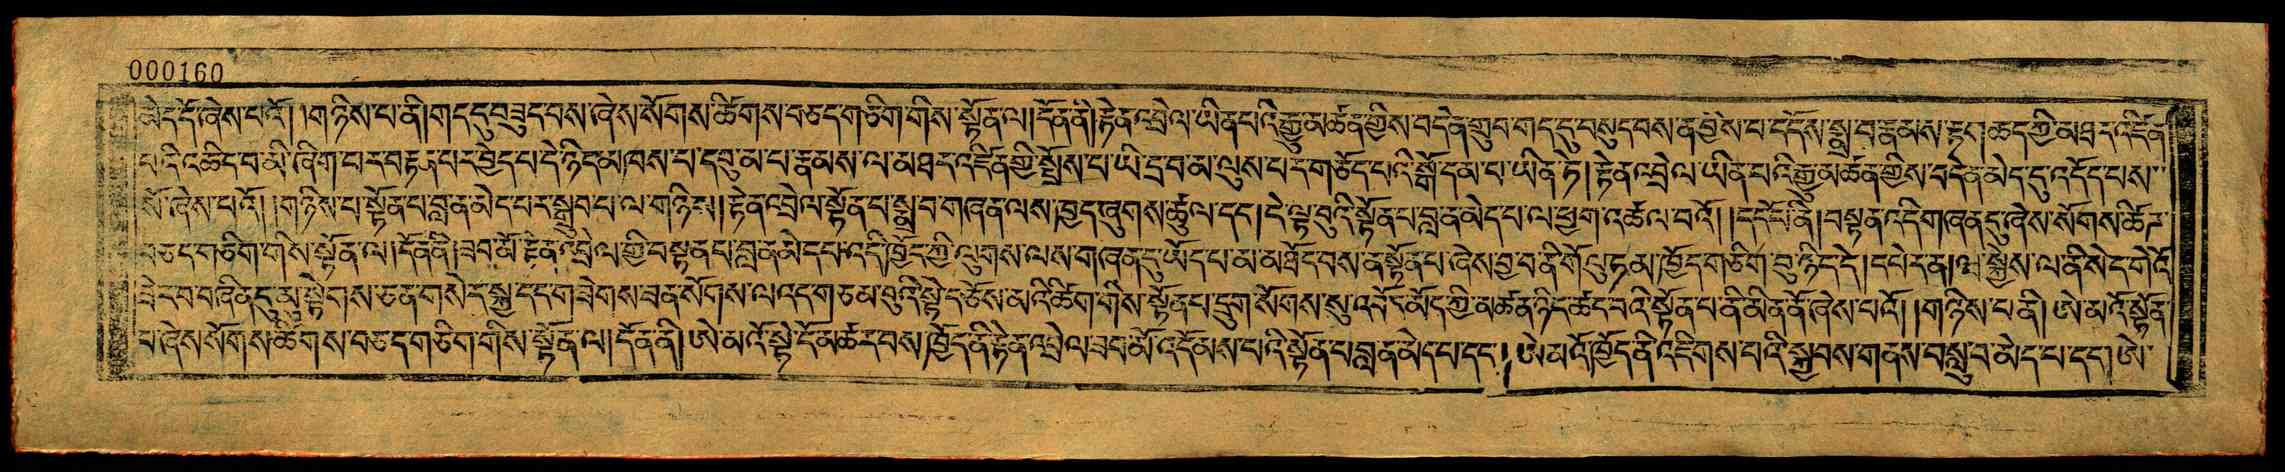མེད་ངོ་ཞེས་པའོ། །གཉིས་པ་ནི། གང་དུ་བཟུང་བས་ཞེས་སོགས་ཚིགས་བཅད་གཅིག་གིས་སྟོན་ལ། དོན་ནི། རྟེན་འབྲེལ་ཡིན་པའི་རྒྱུ་མཚན་གྱིས་བདེན་གྲུབ་གང་དུ་བཟུང་བས་ན་བྱིས་པ་དངོས་སྨྲ་བ་རྣམས་རྟག་ཆད་ཀྱི་མཐར་འཛིན་
པའི་འཆིང་བ་མི་ཞིག་པར་བརྟན་པར་བྱེད་པ་དེ་ཉིད་མཁས་པ་དབུ་མ་པ་རྣམས་ལ་མཐར་འཛིན་གྱི་སྤྲོས་པ་ཡི་དྲ་བ་མ་ལུས་པར་གཅོད་པའི་སྒོ་དམ་པ་ཡིན་ཏེ། །རྟེན་འབྲེལ་ཡིན་པའི་རྒྱུ་མཚན་གྱིས་བདེན་མེད་དུ་འདོད་པས་
སོ་ཞེས་པའོ། །གཉིས་པ་སྟོན་པ་བླ་ན་མེད་པར་སྒྲུབ་པ་ལ་གཉིས། རྟེན་འབྲེལ་སྟོན་པ་སྨྲ་བ་གཞན་ལས་ཁྱད་ཞུགས་ཚུལ་དང་། དེ་ལྟ་བུའི་སྟོན་པ་བླ་ན་མེད་པ་ལ་ཕྱག་འཚལ་བའོ། །དང་པོ་ནི། བསྟན་འདི་གཞན་དུ་ཞེས་སོགས་ཚིགས་
བཅད་གཅིག་གིས་སྟོན་ལ། དོན་ནི། ཟབ་མོ་རྟེན་འབྲེལ་གྱི་བསྟན་པ་བླ་ན་མེད་པ་འདི་ཁྱོད་ཀྱི་ལུགས་ལས་གཞན་དུ་ཡོད་པ་མ་མཐོང་བས་ན་སྟོན་པ་ཞེས་བྱ་བ་ནི་གོའུ་ཏ་མ་ཁྱོད་གཅིག་པུ་ཉིད་དེ། དཔེར་ན། ཝ་སྐྱེས་ལ་ནི་སེང་གེའོ་
ཟེར་བ་བཞིན་དུ་མུ་སྟེགས་ཅན་གསེར་སྐྱ་དང་གཟེགས་ཟན་སོགས་ལའང་གཅམ་བུའི་སྟེ་བཅོས་མའི་ཚིག་གིས་སྟོན་པ་དྲུག་སོགས་སུ་འབོད་མོད་ཀྱི་མཚན་ཉིད་ཚང་བའི་སྟོན་པ་ནི་མིན་ནོ་ཞེས་པའོ། །གཉིས་པ་ནི། ཨེ་མའོ་སྟོན་
པ་ཞེས་སོགས་ཚིགས་བཅད་གཅིག་གིས་སྟོན་ལ། དོན་ནི། ཨེ་མའོ་སྟེ་ངོ་མཚར་བས་ཁྱོད་ནི་རྟེན་འབྲེལ་ཟབ་མོ་འདོམས་པའི་སྟོན་པ་བླ་ན་མེད་པ་དང་། ཨེ་མའོ་ཁྱོད་ནི་འཇིགས་པའི་སྐྱབས་གནས་བསླུ་བ་མེད་པ་དང་། ཨེ་